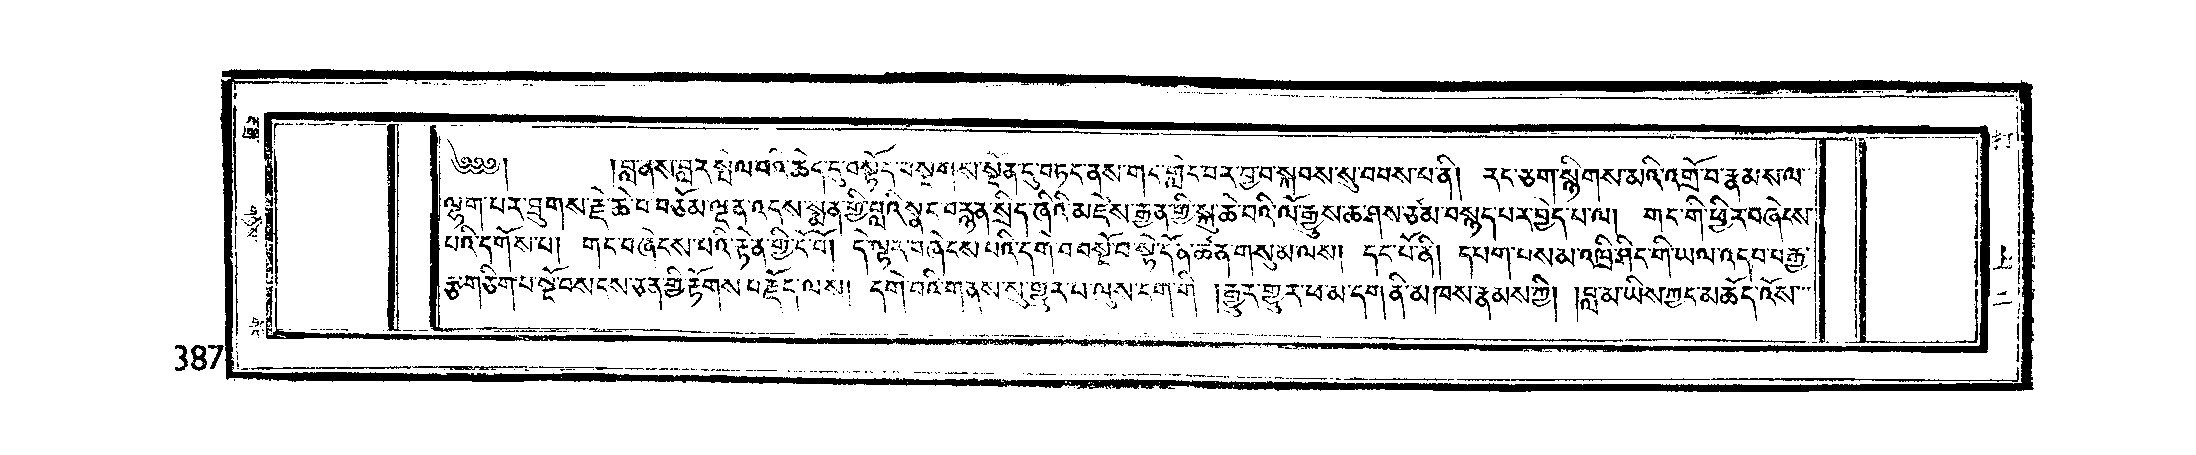༄༅། །བླ་ནས་བླར་སྤེལ་བའི་ཆེད་དུ་བསྟོད་བསྔགས་སྔོན་དུ་བཏང་ནས་གང་གླེང་བར་བྱ་བ་སྐབས་སུ་བབས་པ་ནི། རང་ཅག་སྙིགས་མའི་འགྲོ་བ་རྣམས་ལ་
ལྷག་པར་ཐུགས་རྗེ་ཆེ་བ་བཅོམ་ལྡན་འདས་སྨན་གྱི་བླའི་སྣང་བརྙན་སྲིད་ཞིའི་མཛེས་རྒྱན་གྱི་སྐུ་ཆེ་བའི་ལོ་རྒྱུས་ཆ་ཤས་ཙམ་བསྙད་པར་བྱེད་པ་ལ། གང་གི་ཕྱིར་བཞེངས་
པའི་དགོས་པ། གང་བཞེངས་པའི་རྟེན་གྱི་ངོ་བོ། དེ་ལྟར་བཞེངས་པའི་དགེ་བ་བསྔོ་བ་སྟེ་དོན་ཚན་གསུམ་ལས། དང་པོ་ནི། དཔག་བསམ་འཁྲི་ཤིང་གི་ཡལ་འདབ་བརྒྱ་
རྩ་གཅིག་པ་སྔོ་བསངས་ཅན་གྱི་རྟོགས་བརྗོད་ལས། དགེ་བའི་གནས་སུ་གྱུར་པ་ལུས་ངག་གི །རྒྱུར་གྱུར་ཕ་མ་དག་ནི་མཁས་རྣམས་ཀྱི། །བླ་མ་ཡིས་ཀྱང་མཆོད་འོས་